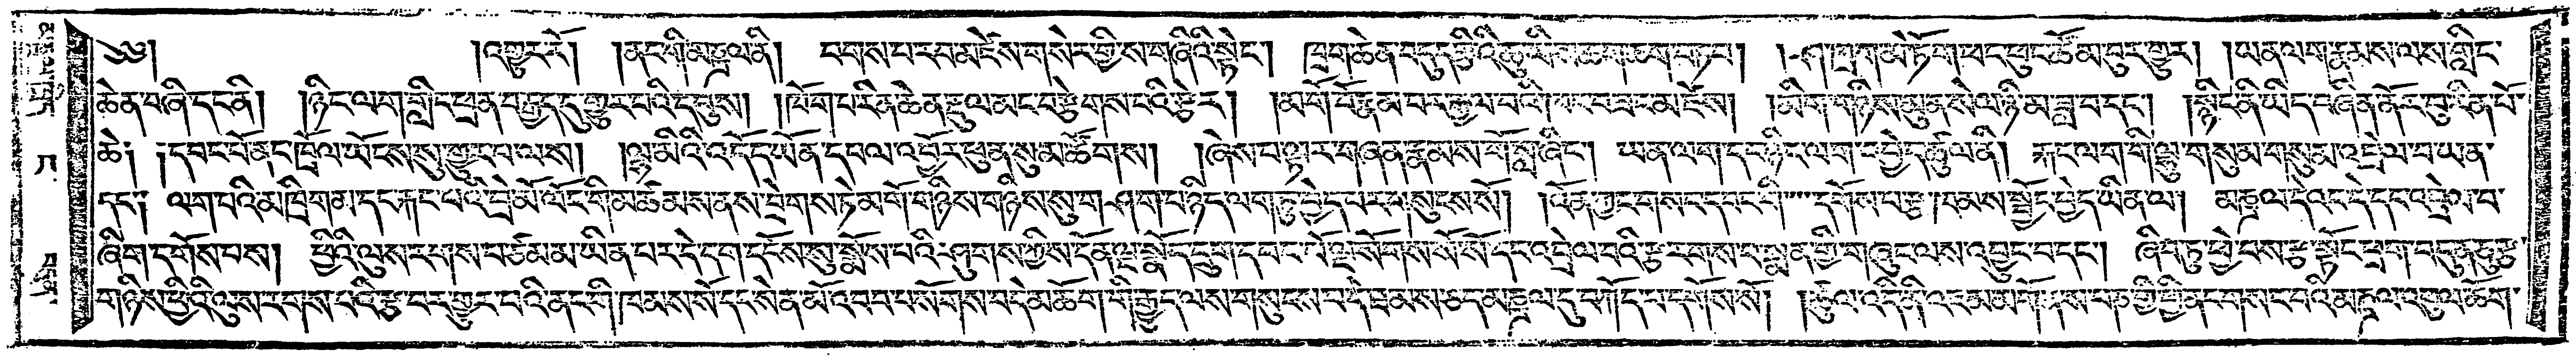༄༅། །འགྱུར་རོ། །ནང་གི་མཎྜལ་ནི། བགས་པ་རབ་མཛེས་གསེར་གྱི་ས་གཞིའི་སྟེང་། ཁྲག་ཆེན་བདུད་རྩིའི་ཆུ་ཡིས་ཆག་ཆག་བཏབ། །ཤ་ཁྲག་མེ་ཏོག་ཕང་ཕུང་ཚོམ་བུར་གྱུར། །ཡན་ལག་རྣམས་ལས་གླིང་
ཆེན་བཞི་དང་ནི། །ཉིང་ལག་གླིང་ཕྲན་བརྒྱད་དུ་གྱུར་པའི་དབུས། །ཁོག་པ་རིན་ཆེན་རྡུལ་མང་བརྩེགས་པའི་རྩེར། །མགོ་བོ་རྣམ་པར་རྒྱལ་པའི་ཁང་བཟང་མཛེས། །མིག་གཉིས་མུན་སེལ་ཉི་མ་ཟླ་བ་དང་། །སྙིང་ནི་ཡིད་བཞིན་ནོར་བུ་རིན་པོ་
ཆེ༑ ༑དབང་པོ་ནང་ཁྲོལ་ཡོངས་སུ་གྱུར་པ་ལས། །ལྷ་མིའི་འདོད་ཡོན་དཔལ་འབྱོར་ཕུན་སུམ་ཚོགས། །ཞེས་པ་ལྟར་གཞན་རྣམས་གོ་སླ་ཞིང་། ཡན་ལག་དང་ཉིང་ལག་འབྱེད་ཚུལ་ནི། རྐང་ལག་གི་ལྷུ་གསུམ་གསུམ་འབྲེལ་བ་ཡན་
དང་། ལག་པའི་མཁྲིག་མ་དང་རྐང་པའི་བྲེ་མོ་ལོང་གི་མཚམས་ནས་བྲེགས་ཏེ་མགོ་གཉིས་གཉིས་སུ་གཤག་པ་ཉིད་ལག་ཏུ་བྱེད་པར་གསུངས་སོ། །འོན་ཀྱང་གསང་དབང་གི་དགོས་པ་རྩ་ཁམས་སྦྱོང་བྱེད་ཡིན་ལ། མཎྜལ་དེའང་དེ་དང་འབྲེལ་བ་
ཞིག་དགོས་པས། ཕྱིའི་ལུས་རགས་པ་ཙམ་མ་ཡིན་པར་དེ་དག་དངོས་སུ་སྨོས་པའི་ཤུགས་ཀྱིས་དོན་ལྔ་སྣོད་དྲུག་དབང་པོ་ལྔ་སོགས་སོ་སོ་དང་འབྲེལ་བའི་རྩ་རགས་པ་སྨན་གྱི་གཞུང་ལས་འབྱུང་བ་དང་། ཞིབ་ཏུ་ཕྱེ་བས་རྩ་སྟོང་ཕྲག་བདུན་ཅུ་རྩ་
གཉིས་ཕྱིའི་ལུས་རགས་པའི་རྩ་བར་གྱུར་བའི་ནང་གི་ཁམས་སོ་དང་སེན་མོ་འབབ་པ་སོགས་བདེ་མཆོག་གི་རྒྱུད་ལས་གསུངས་བདེ་ཐམས་ཅད་མཎྜལ་དུ་བཀོད་པ་དགོས་སོ། །ཚུལ་འདི་ནི་འཇམ་མགོན་ས་པཎ་གྱི་ཕྱི་ནང་གསང་བའི་མཎྜལ་འཕུལ་མཆོག་